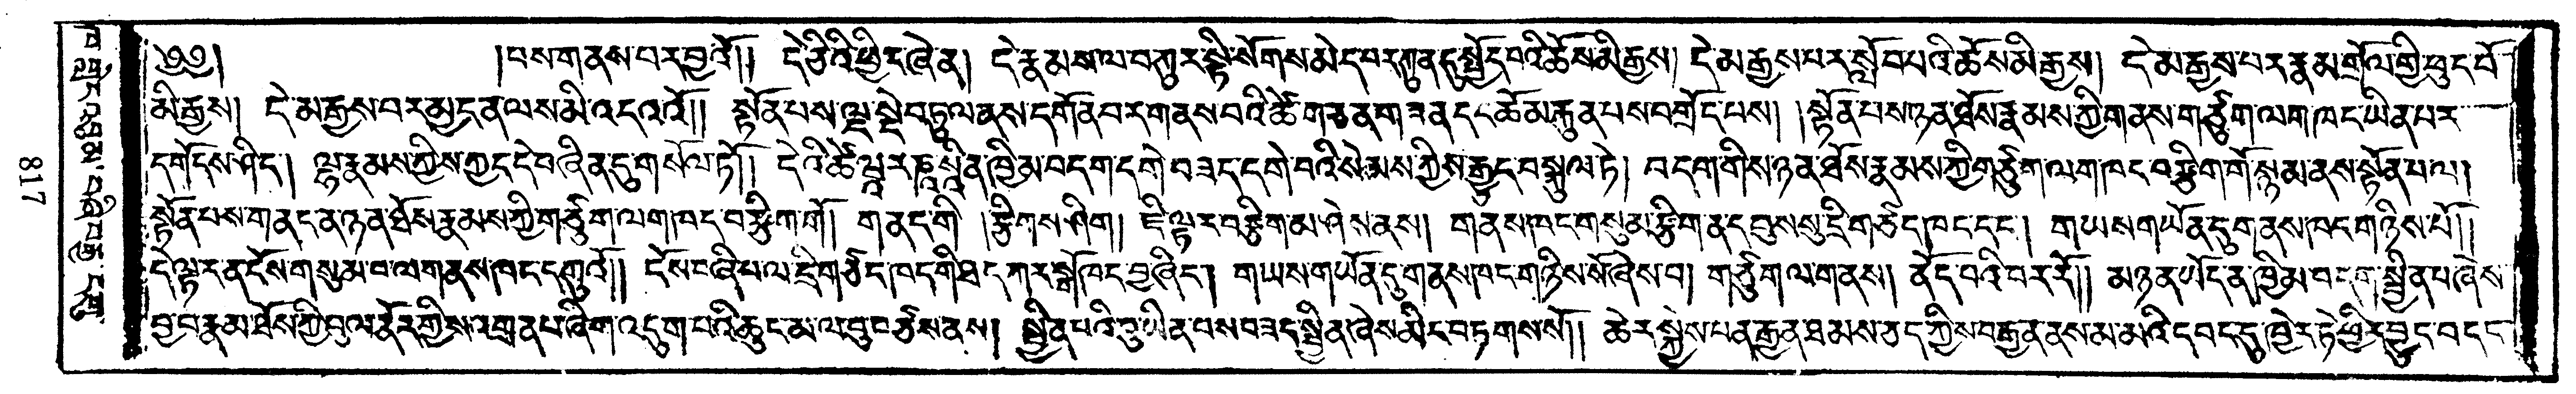༄༅། །པས་གནས་པར་བྱའོ།། དེ་ཅིའི་ཕྱིར་ཞེ་ན། དེ་རྣམས་ལ་བཀུར་སྟི་སོགས་མེད་པར་ཀུན་དུ་སྤྱོད་བའི་ཆོས་མི་རྒྱས། དེ་མ་རྒྱས་པར་སློབ་པའི་ཆོས་མི་རྒྱས། དེ་མ་རྒྱས་པར་རྣམ་གྲོལ་གྱི་ཕུང་བོ་
མི་རྒྱས། དེ་མ་རྒྱས་བར་མྱ་ངན་ལས་མི་འདའ་འོ།། སྟོན་པས་ལྔ་སྡེ་བཏུལ་ནས་དགོན་བར་གནས་བའི་ཚེ་གཅན་གཟན་དང་ཆོམ་རྐུན་པས་བགྲོད་པས། །སྟོན་པས་ཉན་ཐོས་རྣམས་ཀྱི་གནས་གཙུག་ལག་ཁང་ཡིན་པར་
དགོངས་ཤིང་། ལྷ་རྣམས་ཀྱིས་ཀྱང་དེ་བཞིན་དུ་གསོལ་ཏོ།། དེའི་ཚེ་ཝཱརཎཱ་སཱི་ན་ཁྱིམ་བདག་དགེ་བཟད་དགེ་བའི་སེམས་ཀྱིས་རྒྱུད་བསྐུལ་ཏེ། བདག་གིས་ཉན་ཐོས་རྣམས་ཀྱི་གཙུག་ལག་ཁང་བརྩིག་གོ་སྙམ་ནས་སྟོན་པ་ལ།
སྟོན་པས་གནང་ན་ཉན་ཐོས་རྣམས་ཀྱི་གཙུག་ལག་ཁང་བརྩིག་གོ། གནང་གི །རྩིགས་ཤིག། ཇི་ལྟར་བརྩིག་མ་ཤེས་ནས། གནས་ཁང་གསུམ་རྩིག་ན་དབུས་སུ་དྲི་གཙང་ཁང་དང་། གཡས་གཡོན་དུ་གནས་ཁང་གཉིས་པོ།།
དེ་ལྟ་ན་ངོས་གསུམ་བ་ལ་གནས་ཁང་དགུའོ།། ངོས་བཞི་པ་ལ་དྲི་གཙང་ཁང་གི་ཐད་ཀར་སྒོ་ཁང་བྱ་ཞིང་། གཡས་གཡོན་དུ་གནས་ཁང་གཉིས་སོ་ཞེས་པ། གཙུག་ལ་གནས། ནོད་པའི་བར་རོ།། མཉན་ཡོད་ན་ཁྱིམ་བདག་སྦྱིན་པ་ཞེས་
བྱ་བ་རྣམ་ཐོས་ཀྱི་བུ་ལ་ནོར་གྱིས་འགྲན་པ་ཞིག་འདུག་པའི་ཆུང་མ་ལ་བུ་བཙས་ནས། སྦྱིན་པའི་བུ་ཡིན་པས་བཟང་སྦྱིན་ཞེས་མིང་བཏགས་སོ།། ཆེར་སྐྱེས་པན་རྒྱན་ཐམས་ཅད་ཀྱིས་བརྒྱན་ནས་མ་མའི་དབང་དུ་ཁྱེར་ཏེ་ཕྱིར་བྱུང་བ་དང་